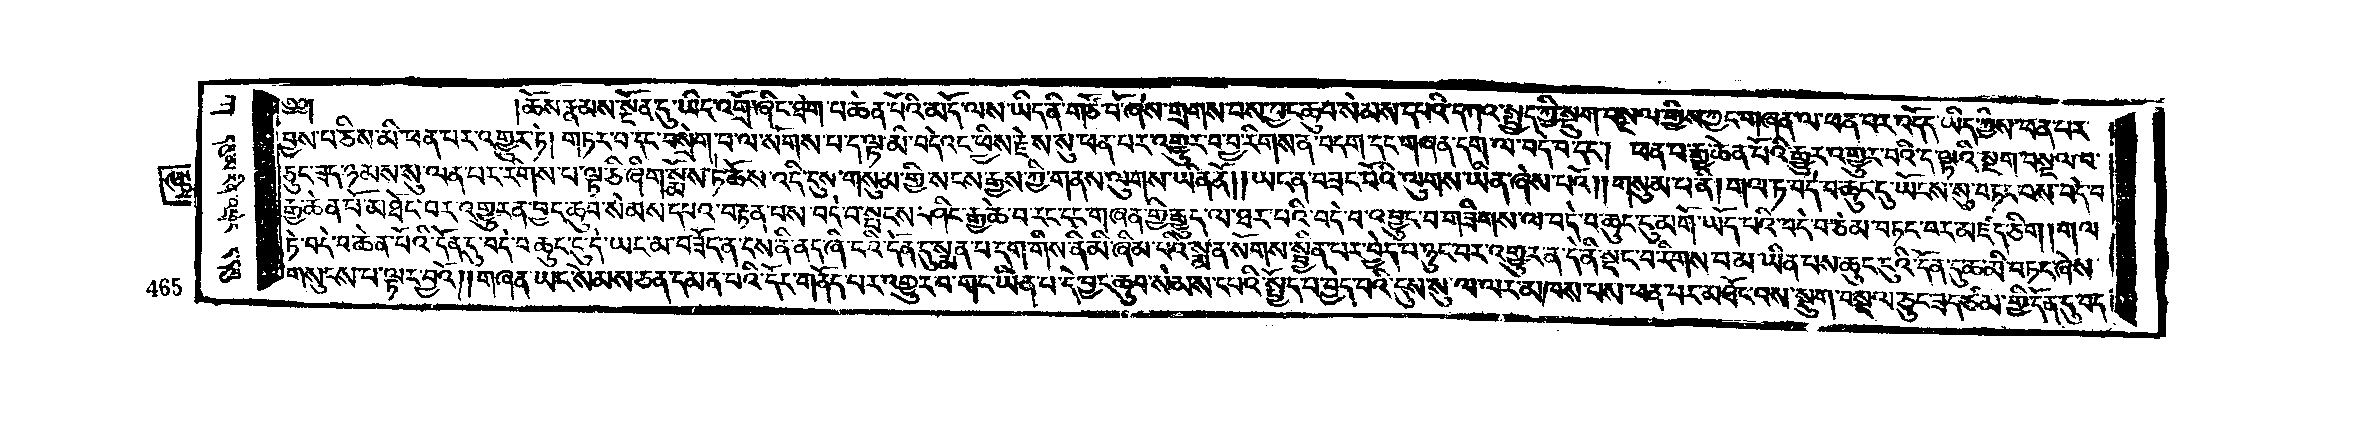༄༅། །ཆོས་རྣམས་སྔོན་དུ་ཡིད་འགྲོ་ཞིང་ཐེག་པ་ཆེན་པོའི་མདོ་ལས་ཡིད་ནི་གཙོ་བོ་ཞེས་གྲགས་པས་བྱང་ཆུབ་སེམས་དཔའི་དཀའ་སྤྱད་ཀྱི་སྡུག་བསྔལ་གྱིས་ཀྱང་གཞན་ལ་ཕན་པར་འདོད་ཡིད་ཀྱིས་ཕན་པར་
བྱས་པ་ཅིས་མི་ཕན་པར་འགྱུར་ཏེ། གཏར་བ་དང་བསྲེག་པ་ལ་སོགས་པ་ད་ལྟ་མི་བདེའང་ཕྱིས་རྗེས་སུ་ཕན་པར་འགྱུར་བ་བྱ་རིགས་ན་བདག་དང་གཞན་དག་ལ་བདེ་བ་དང་། ཕན་པ་རྒྱ་ཆེན་པོའི་རྒྱུར་འགྱུར་བའི་ད་ལྟའི་སྡུག་བསྔལ་བ་
ཅུང་ཟད་ཉམས་སུ་ལན་པར་རིགས་པ་ལྟ་ཅི་ཞིག་སྨོས་ཏེ་ཆོས་འདི་དུས་གསུམ་གྱི་སངས་རྒྱས་ཀྱི་གནས་ལུགས་ཡིན་ནོ། །ཡང་ན་བཟང་པོའི་ལུགས་ཡིན་ཞེས་པའོ། །གསུམ་པ་ནི། གལ་ཏེ་བདེ་བ་ཆུང་ངུ་ཡོངས་སུ་བཏང་བས་བདེ་བ་
རྒྱ་ཆེན་པོ་མཐོང་བར་འགྱུར་ན་བྱང་ཆུབ་སེམས་དཔའ་བརྟན་པས་བདེ་བ་སྤངས་ཤིང་རྒྱ་ཆེ་བ་རང་དང་གཞན་གྱི་རྒྱུད་ལ་ཐར་པའི་བདེ་བ་འབྱུང་བ་གཟིགས་ལ་བདེ་བ་ཆུང་ངུ་མགོ་ཡོད་པའི་བདེ་བ་ཙམ་བཏང་བར་མཛད་ཅིག །གལ་
ཏེ་བདེ་བ་ཆེན་པོའི་དོན་དུ་བདེ་བ་ཆུང་ངུ་དེ་ཡང་མ་བཟོད་ན་ངས་ནི་ནད་ཞི་བའི་དོན་དུ་སྨན་པ་དག་གིས་ནི་མི་ཞིམ་པའི་སྨན་སོགས་སྦྱིན་པར་བྱེད་པ་ཉུང་བར་འགྱུར་ན་དེ་ནི་སྡང་བ་རིགས་པ་མ་ཡིན་པས་ཆུང་ངུའི་དོན་དུ་ཆ་མི་བཏང་ཞེས་
གསུངས་པ་ལྟར་བྱའོ། །གཞན་ཡང་སེམས་ཅན་དམན་པའི་དོར་གནོད་པར་འགྱུར་བ་གང་ཡིན་པ་དེ་བྱང་ཆུབ་སེམས་དཔའི་སྤྱོད་པ་བྱེད་པའི་དུས་སུ་ལ་ལར་མཁས་པས་ཕན་པར་མཐོང་བས་སྡུག་བསྔལ་ཅུང་ཟད་ཙམ་གྱི་དོན་དུ་བདེ་